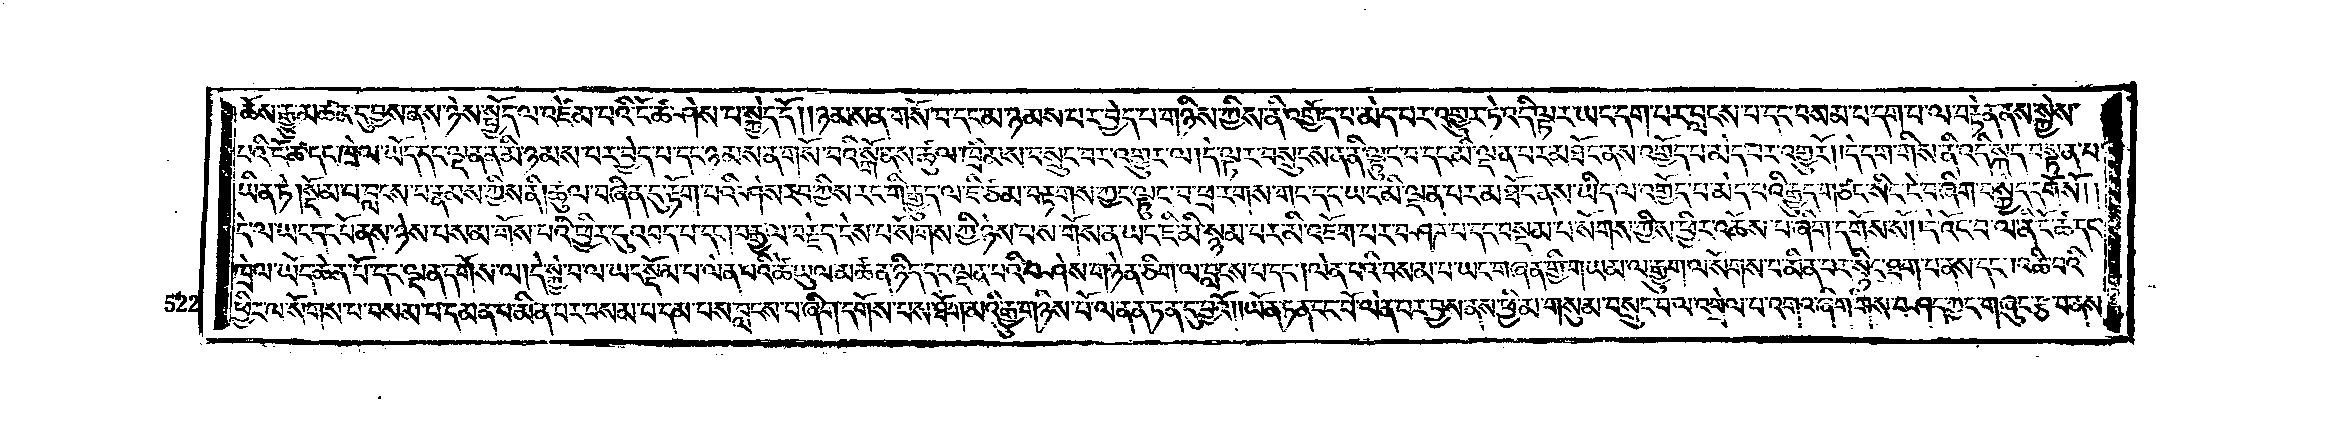ཆོས་རྒྱུ་མཚན་དུ་བྱས་ནས་ཉེས་སྤྱོད་ལ་འཛེམ་པའི་ངོ་ཚ་ཤེས་པ་སྐྱེད་དོ། །ཉམས་ན་གསོ་བ་དང་མ་ཉམས་པར་བྱེད་པ་གཉིས་ཀྱིས་ནི་འགྱོད་པ་མེད་པར་འགྱུར་ཏེ་འདི་ལྟར་ཡང་དག་པར་བླངས་པ་དང་བསམ་པ་དག་པ་ལ་བརྟེན་ནས་སྐྱེས་
པའི་ངོ་ཚ་དང་ཁྲེལ་ཡོད་དང་ལྡན་ན་མི་ཉམས་པར་བྱེད་པ་དང་ཉམས་ན་གསོ་བའི་སྒོ་ནས་ཚུལ་ཁྲིམས་བསྲུང་བར་འགྱུར་ལ། དེ་ལྟར་བསྲུངས་ན་ནི་ལྟུང་བ་དང་མི་ལྡན་པར་མཐོང་ནས་འགྱོད་པ་མེད་པར་འགྱུར་རོ། །དེ་དག་གིས་ནི་འདི་སྐད་བསྟན་པ་
ཡིན་ཏེ། སྡོམ་པ་བླངས་པ་རྣམས་ཀྱིས་ནི། ཚུལ་བཞིན་དུ་རྟོག་པའི་ཤེས་རབ་ཀྱིས་རང་གི་རྒྱུད་ལ་ཇི་ཙམ་བརྟགས་ཀྱང་ལྟུང་བ་ཕྲ་རགས་གང་དང་ཡང་མི་ལྡན་པར་མཐོང་ནས་ཡིད་ལ་འགྱོད་པ་མེད་པའི་རྒྱུད་གཙང་སིང་དེ་བ་ཞིག་བསྐྱེད་དགོས་སོ། །
དེ་ལ་ཡང་དང་པོ་ནས་ཉེས་པས་མ་གོས་པའི་ཕྱིར་དུ་འབད་པ་དང་། བརྒྱ་ལ་བརྗེད་ངེས་པ་སོགས་ཀྱི་ཉེས་པས་གོས་ན་ཡང་ཇི་མི་སྙམ་པར་མི་འཇོག་པར་བཤཌ་པ་དང་བསྡམ་པ་སོགས་ཀྱིས་ཕྱིར་འཆོས་པ་ཞིག་དགོས་སོ། །དེ་འོང་བ་ལ་ནི་ངོ་ཚ་དང་
ཁྲེལ་ཡོད་ཆེན་པོ་དང་ལྡན་དགོས་ལ། དེ་སྐྱེ་བ་ལ་ཡང་སྡོམ་པ་ལེན་པའི་ཚེ་ཡུལ་མཚན་ཉིད་དང་ལྡན་པའི་བཤེས་གཉེན་ཅིག་ལ་བླངས་པ་དང་། ལེན་པའི་བསམ་པ་ཡང་གཞན་གྱི་གཡམ་ལ་རྒྱུག་ལ་སོགས་པ་མིན་པར་སྙིང་ཐག་པ་ནས་དང་། འཆི་བའི་
ཕྱིར་ལ་སོགས་པ་བསམ་པ་དམན་པ་མིན་པར་བསམ་པ་དམ་པས་བླངས་པ་ཞིག་དགོས་པས་ཐོག་མའི་རྒྱུ་གཉིས་པོ་ལ་ནན་ཏན་དུ་བྱའོ། །ཡོན་ཏན་དང་པོ་ལེན་པར་བྱས་ནས་ཕྱི་མ་གསུམ་བསྲུང་བ་ལ་འགྲེལ་པ་འགའ་ཞིག་གིས་བཤད་ཀྱང་གཞུང་རྩ་བ་ནས་